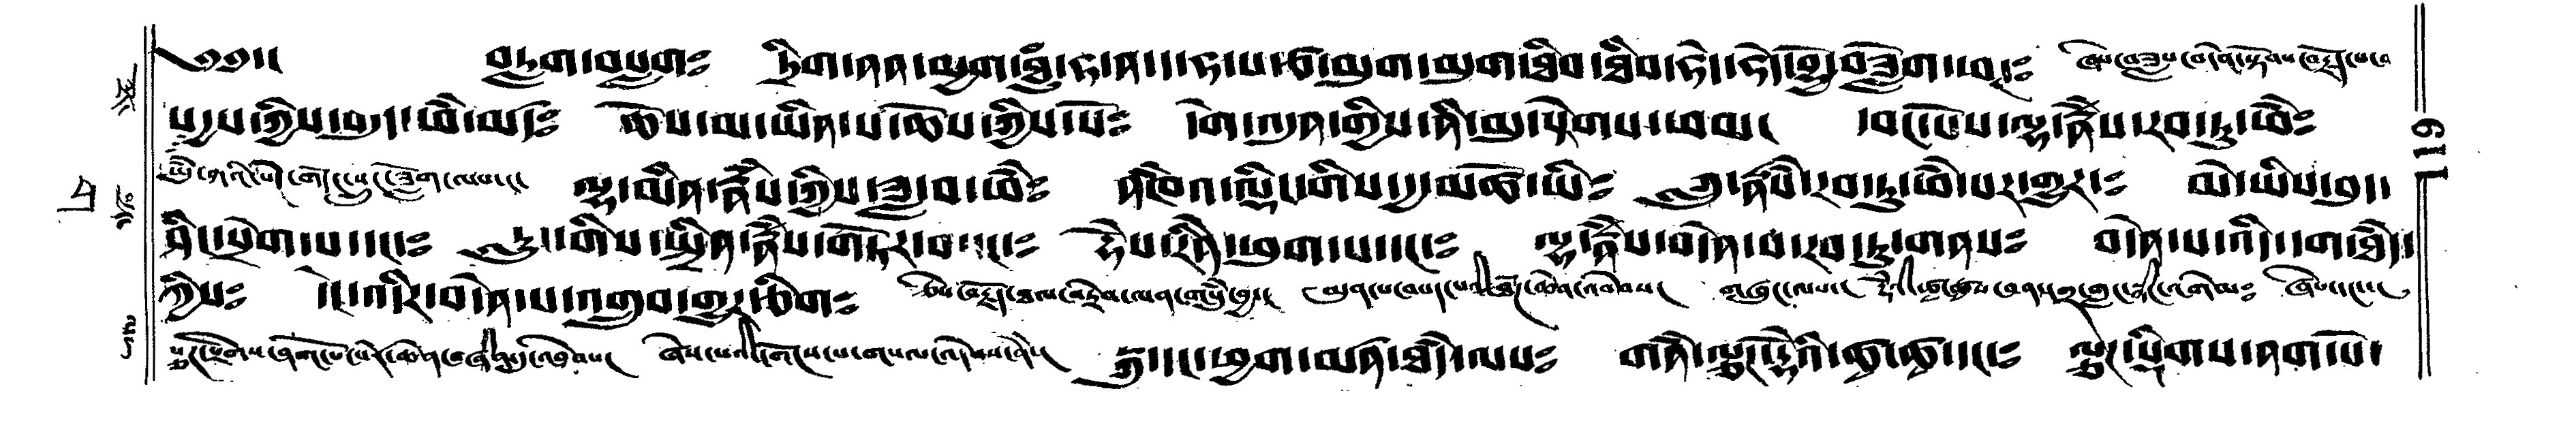བརླག་བརླག༔ ཏྲིག་ནན་མྱག་ཐུམ་ཧ་ན་ད་ཧ་པ་ཙ་མུག་མུག་ཐིབ་ཐིབ་ཧེད་ཧེད་བྷྱོ་ཟློག་ཕཊ༔ ཞེས་བཟླས་བདེན་སྟོབས་བརྗོད་པ་ནི། 
སངས་རྒྱས་ཀྱིས་ནི་བདུད་ཕམ་མཛད༔ ཆོས་མ་ཡིན་པ་ཆོས་ཀྱིས་སོ༔ དགེ་འདུན་གྱིས་ནི་མུ་སྟེགས་ཕམ༔ དབང་པོས་ལྷ་རྣམས་རབ་ཏུ་ཕམ༔ 
ལྷ་མིན་རྣམས་ཀྱིས་ཟླ་བ་ཕམ༔ ནམ་མཁའ་ལྡིང་གིས་རྒྱ་མཚོ་ཡི༔ ཀླུ་རྣམས་རབ་ཏུ་ཕམ་པར་གྱུར༔ མེ་ཡིས་བུད་
ཤིང་སྲེག་པ་དང༔ རླུང་གིས་སྤྲིན་རྣམས་གཏོར་བ་དང༔ རྡོ་རྗེས་རིན་ཆེན་ཕུག་པ་དང༔ ལྷ་རྣམས་བདེན་པས་རབ་ཏུ་གནས༔ བདེན་པ་འདི་དག་ཐམས་ཅད་
ཀྱིས༔ དེང་འདིར་བདེན་པ་འགྲུབ་གྱུར་ཅིག༔ ཅེས་བརྗོད་ཐལ་རྡེབ་ལན་གསུམ་བྱ། །མུན་པ་བསད་པའི་ཐོག་ཆེན་འབེབས། གཞུང་ལས། རྡོ་རྗེའི་ཚྭ་ཚྭས་ལྡན་དགྲའི་་ཀླད་སྙིང་འགེམ༔ ཞེས་དང་། 
ལྕགས་སྡིག་ནག་པོ་སེར་ཆེན་བཞིན་དུ་འབེབས། །ཞེས་པའི་དགོངས་པ་གསལ་འདེབས་ནི། སྐུ་དང་ཕྱག་མཚན་ཐམས་ཅད་ལས༔ གནམ་ལྕགས་རྡོ་རྗེའི་ཚྭ་ཚྭ་དང༔ལྕགས་སྡིག་ནག་པོ་